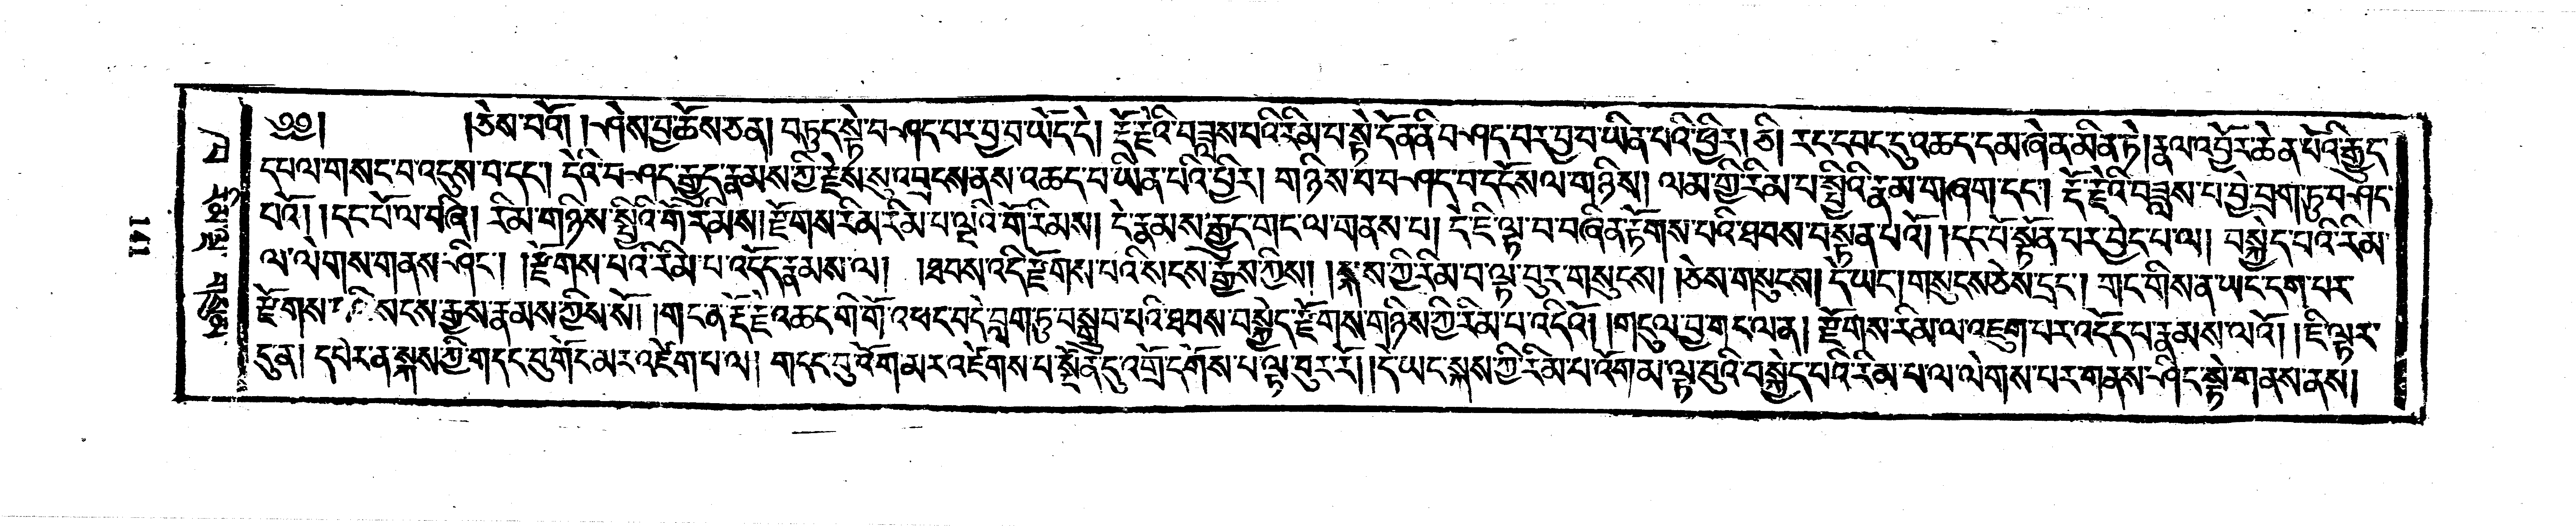༄༅། །ཅེས་པའོ། །ཤེས་བྱ་ཆོས་ཅན། བཏུད་སྟེ་བཤད་པར་བྱ་བ་ཡོད་དེ། རྡོ་རྗེའི་བཟླས་པའི་རིམ་པ་སྟེ་དོན་ནི་བཤད་པར་བྱ་བ་ཡིན་པའི་ཕྱིར། ཅི། རང་དབང་དུ་འཆད་དམ་ཞེ་ན་མིན་ཏེ། རྣལ་འབྱོར་ཆེན་པོའི་རྒྱུད་
དཔལ་གསང་བ་འདུས་པ་དང་། དེའི་བཤད་རྒྱུད་རྣམས་ཀྱི་རྗེས་སུ་འབྲངས་ནས་འཆད་པ་ཡིན་པའི་ཕྱིར། གཉིས་པ་བཤད་པ་དངོས་ལ་གཉིས། ལམ་གྱི་རིམ་པ་སྤྱིའི་རྣམ་གཞག་དང་། རྡོ་རྗེའི་བཟླས་པ་བྱེ་བྲག་ཏུ་བཤད་
པའོ། །དང་པོ་ལ་བཞི། རིམ་གཉིས་སྤྱིའི་གོ་རིམས། རྫོགས་རིམ་རིམ་པ་ལྔའི་གོ་རིམས། དེ་རྣམས་རྒྱུད་གང་ལ་གནས་པ། དེ་ཇི་ལྟ་བ་བཞིན་རྟོགས་པའི་ཐབས་བསྟན་པའོ། །དང་པོ་སྟོན་པར་བྱེད་པ་ལ། བསྐྱེད་པའི་རིམ་
ལ་ལེགས་གནས་ཤིང་། །རྫོགས་པའི་རིམ་པ་འདོད་རྣམས་ལ། །ཐབས་འདི་རྫོགས་པའི་སངས་རྒྱས་ཀྱིས། །སྐས་ཀྱི་རིམ་པ་ལྟ་བུར་གསུངས། །ཅེས་གསུངས། དེ་ཡང་། གསུངས་ཅེས་དྲང་། གང་གིས་ན་ཡང་དག་པར་
རྫོགས་པའི་སངས་རྒྱས་རྣམས་ཀྱིས་སོ། །གང་ན་རྡོ་རྗེ་འཆང་གི་གོ་འཕང་བདེ་བླག་ཏུ་བསྒྲུབ་པའི་ཐབས་བསྐྱེད་རྫོགས་གཉིས་ཀྱི་རིམ་པ་འདིའོ། །གདུལ་བྱ་གང་ལ་ན། རྫོགས་རིམ་ལ་འཇུག་པར་འདོད་པ་རྣམས་ལའོ། །ཇི་ལྟར་
དུ་ན། དཔེར་ན་སྐས་ཀྱི་གདང་བུ་གོང་མར་འཛེག་པ་ལ། གདང་བུ་འོག་མར་འཛེགས་པ་སྔོན་དུ་འགྲོ་དགོས་པ་ལྟ་བུར་རོ། །དེ་ཡང་སྐས་ཀྱི་རིམ་པ་འོག་མ་ལྟ་བུའི་བསྐྱེད་པའི་རིམ་པ་ལ་ལེགས་པར་གནས་ཤིང་སྟེ་གནས་ནས།